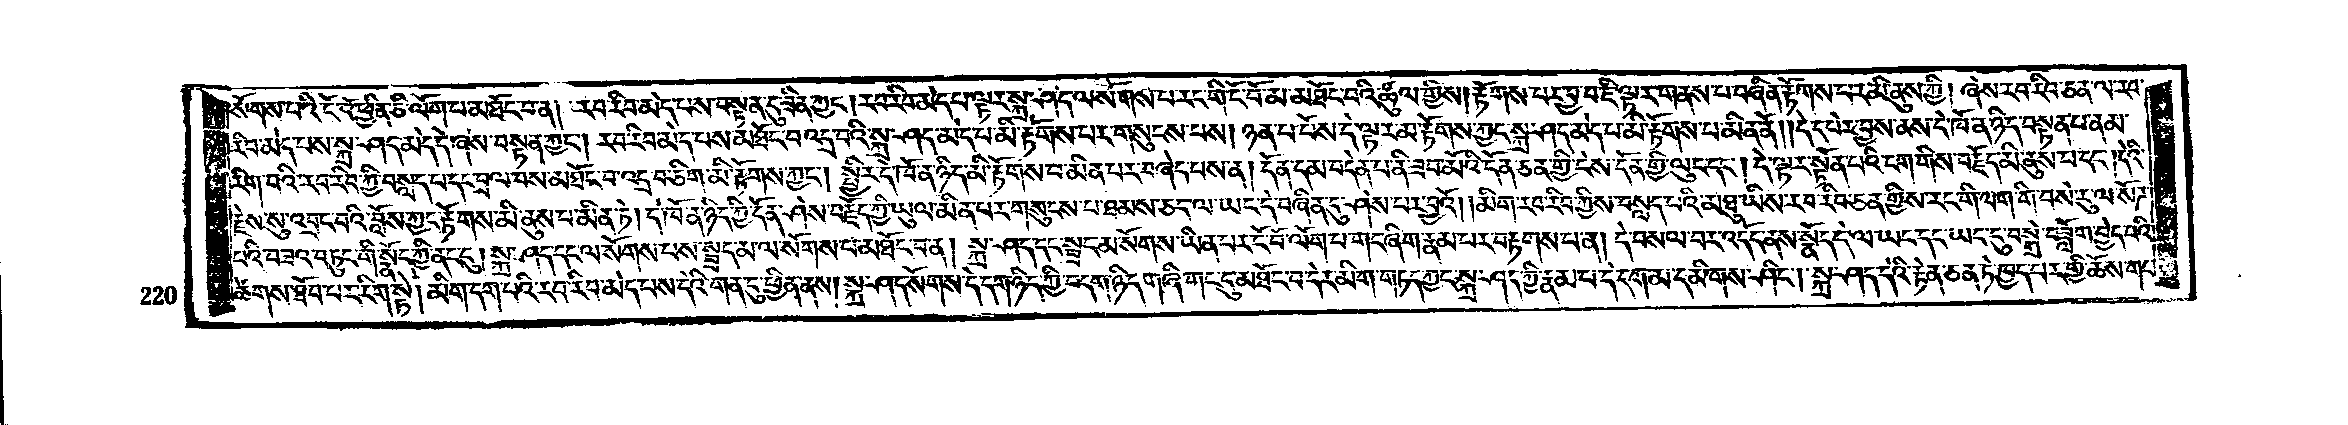སོགས་པའི་ངོ་བོ་ཕྱིན་ཅི་ལོག་པ་མཐོང་བ་ན། རབ་རིབ་མེད་པས་བསྟན་དུ་ཟིན་ཀྱང་། རབ་རིབ་མེད་པ་ལྟར་སྐྲ་ཤད་ལ་སོགས་པ་རང་གི་ངོ་བོ་མ་མཐོང་བའི་ཚུལ་གྱིས། རྟོགས་པར་བྱ་བ་ཇི་ལྟར་གནས་པ་བཞིན་རྟོགས་པར་མི་ནུས་ཀྱི། ཞེས་རབ་རིབ་ཅན་ལ་རབ་
རིབ་མེད་པས་སྐྲ་ཤད་མེད་དེ་ཞེས་བསྟན་ཀྱང་། རབ་རིབ་མེད་པས་མཐོང་བ་འདྲ་བའི་སྐྲ་ཤད་མེད་པ་མི་རྟོགས་པར་གསུངས་པས། ཉན་པ་པོས་དེ་ལྟར་མ་རྟོགས་ཀྱང་སྐྲ་ཤད་མེད་པ་མི་རྟོགས་པ་མིན་ནོ། །དེ་དཔེར་བྱས་ནས་དེ་ཁོ་ན་ཉིད་བསྟན་པ་ནམ་
རིག་པའི་རབ་རིབ་ཀྱི་བསླད་པ་དང་བྲལ་བས་མཐོང་བ་འདྲ་བ་ཞིག་མི་རྟོགས་ཀྱང་། སྤྱིར་དེ་ཁོ་ན་ཉིད་མི་རྟོགས་པ་མིན་པར་བཞེད་པས་ན། དོན་དམ་བདེན་པ་ནི་ཟབ་མོའི་དོན་ཅན་གྱི་ངེས་དོན་གྱི་ལུང་དང་། དེ་ལྟར་སྟོན་པའི་ངག་གིས་བརྗོད་མི་ནུས་པ་དང་། དེའི་
རྗེས་སུ་འབྲང་བའི་བློས་ཀྱང་རྟོགས་མི་ནུས་པ་མིན་ཏེ། དེ་ཁོ་ན་ཉིད་ཀྱི་དོན་ཤེས་བརྗོད་ཀྱི་ཡུལ་མིན་པར་གསུངས་པ་ཐམས་ཅད་ལ་ཡང་དེ་བཞིན་དུ་ཤེས་པར་བྱའོ། །མིག་རབ་རིབ་ཀྱིས་བསླད་པའི་མཐུ་ཡིས་རབ་རིབ་ཅན་གྱིས་རང་གི་ལག་གི་བསེ་རུ་ལ་སོགས་
པའི་བཟའ་བཏུང་གི་སྣོད་ཀྱི་ནང་དུ། སྐྲ་ཤད་དང་ལ་སོགས་པས་སྦྲང་མ་ལ་སོགས་པ་མཐོང་བ་ན། སྐྲ་ཤད་དང་སྦྲང་མ་སོགས་ཡིན་པར་ངོ་བོ་ལོག་པ་གང་ཞིག་རྣམ་པར་བརྟགས་པ་ན། དེ་བསལ་བར་འདོད་ནས་སྣོད་དེ་ལ་ཡང་དང་ཡང་དུ་བསྒྲེ་བཟློག་བྱེད་པའི་
ཚེགས་ཐོབ་པར་རིག་སྟེ། མིག་དག་པའི་རབ་རིབ་མེད་པས་དེའི་གན་དུ་ཕྱིན་ནས། སྐྲ་ཤད་སོགས་དེ་དག་ཉིད་ཀྱི་བདག་ཉིད་གཞི་གང་དུ་མཐོང་བ་དེར་མིག་གཏད་ཀྱང་སྐྲ་ཤད་ཀྱི་རྣམ་པ་དེ་དག་མ་དམིགས་ཤིང་། སྐྲ་ཤད་དེའི་རྟེན་ཅན་ཏེ་ཁྱད་པར་གྱི་ཆོས་གང་